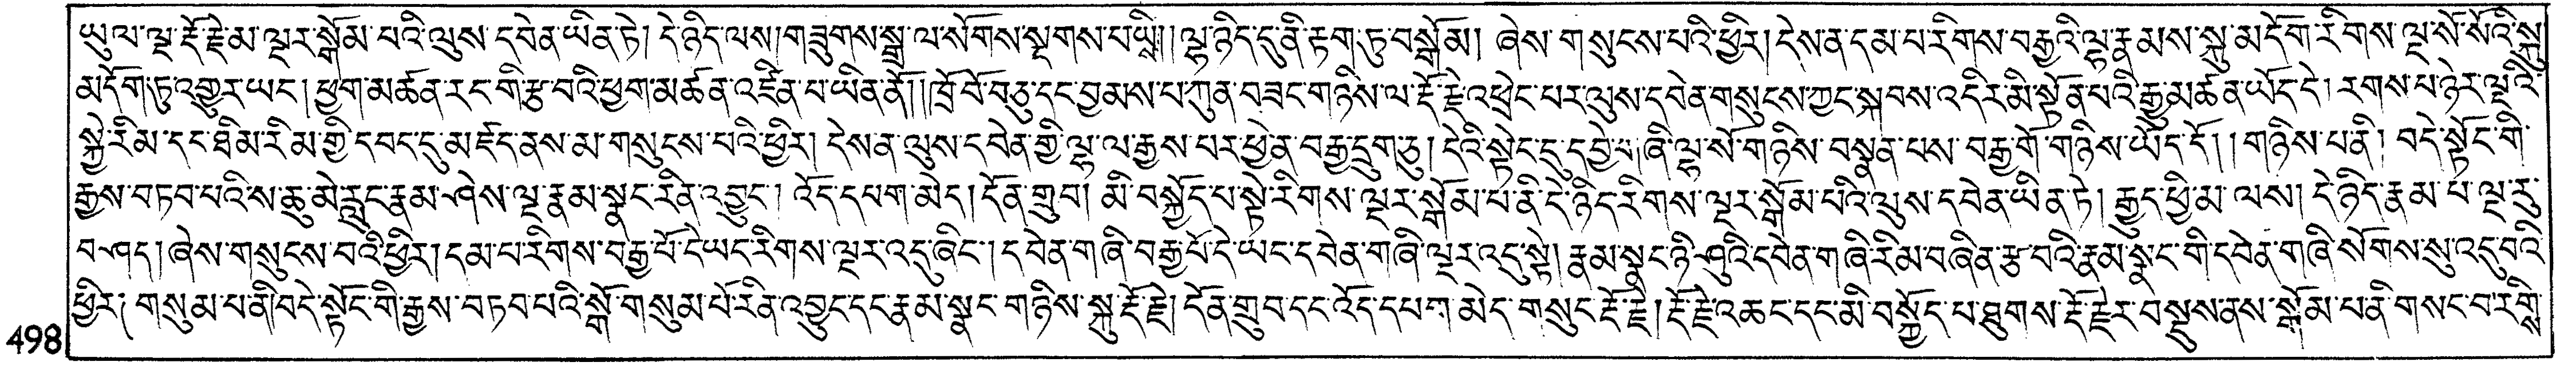ཡུལ་ལྔ་རྡོ་རྗེ་མ་ལྔར་སྒོམ་པའི་ལུས་དབེན་ཡིན་ཏེ། དེ་ཉིད་ལས། གཟུགས་སྒྲ་ལ་སོགས་སྔགས་པ་ཡིས། །ལྷ་ཉིད་དུ་ནི་རྟག་ཏུ་བསྒོམ། ཞེས་གསུང་པའི་ཕྱིར། དེས་ན་དམ་པ་རིགས་བརྒྱའི་ལྷ་རྣམས་སྐུ་མདོག་རིགས་ལྔ་སོ་སོའི་སྐུ་
མདོག་ཏུ་འགྱུར་ཡང་། ཕྱག་མཚན་རང་གི་རྩ་བའི་ཕྱག་མཚན་འཛིན་པ་ཡིན་ནོ། །ཁྲོ་བོ་བཅུ་དང་བྱམས་པ་ཀུན་བཟང་གཉིས་ལ་རྡོ་རྗེ་འཕྲེང་པར་ལུས་དབེན་གསུངས་ཀྱང་སྐབས་འདིར་མི་སྟོན་པའི་རྒྱུ་མཚན་ཡོད་དེ། རགས་པ་ཉེར་ལྔའི་
སྐྱེ་རིམ་དང་ཐིམ་རིམ་གྱི་དབང་དུ་མཛད་ནས་མ་གསུངས་པའི་ཕྱིར། དེས་ན་ལུས་དབེན་གྱི་ལྷ་ལ་རྒྱས་པར་ཕྱེ་ན་བརྒྱ་དྲུག་ཅུ། དེའི་སྟེང་དུ་དབྱེ་གཞི་ལྷ་སོ་གཉིས་བསྣན་པས་བརྒྱ་གོ་གཉིས་ཡོད་དོ། །གཉིས་པ་ནི། བདེ་སྟོང་གི་
རྒྱས་བཏབ་པའི་ས་ཆུ་མེ་རླུང་རྣམ་ཤེས་ལྔ་རྣམ་སྣང་རིན་འབྱུང་། འོད་དཔག་མེད། དོན་གྲུབ། མི་བསྐྱོད་པ་སྟེ་རིགས་ལྔར་སྒོམ་པ་ནི་དེ་ཉིད་རིགས་ལྔར་སྒོམ་པའི་ལུས་དབེན་ཡིན་ཏེ། རྒྱུད་ཕྱི་མ་ལས། དེ་ཉིད་རྣམ་པ་ལྔ་རུ་
བཤད། ཞེས་གསུངས་པའི་ཕྱིར། དམ་པ་རིགས་བརྒྱ་པོ་དེ་ཡང་རིགས་ལྔར་འདུ་ཞིང་། དབེན་གཞི་བརྒྱ་པོ་དེ་ཡང་དབེན་གཞི་ལྔར་འདུ་སྟེ། རྣམ་སྣང་ཉི་ཤུའི་དབེན་གཞི་རིམ་བཞིན་རྩ་བའི་རྣམ་སྣང་གི་དབེན་གཞི་སོགས་སུ་འདུ་བའི་
ཕྱིར༑ གསུམ་པ་ནི། བདེ་སྟོང་གི་རྒྱས་བཏབ་པའི་སྒོ་གསུམ་པོ་རིན་འབྱུང་དང་རྣམ་སྣང་གཉིས་སྐུ་རྡོ་རྗེ། དོན་གྲུབ་དང་འོག་དཔག་མེད་གསུང་རྡོ་རྗེ། རྡོ་རྗེ་འཆང་དང་མི་བསྐྱོད་པ་ཐུགས་རྡོ་རྗེར་བསྡུས་ནས་སྒོམ་པ་ནི་གསང་བ་རིགས་